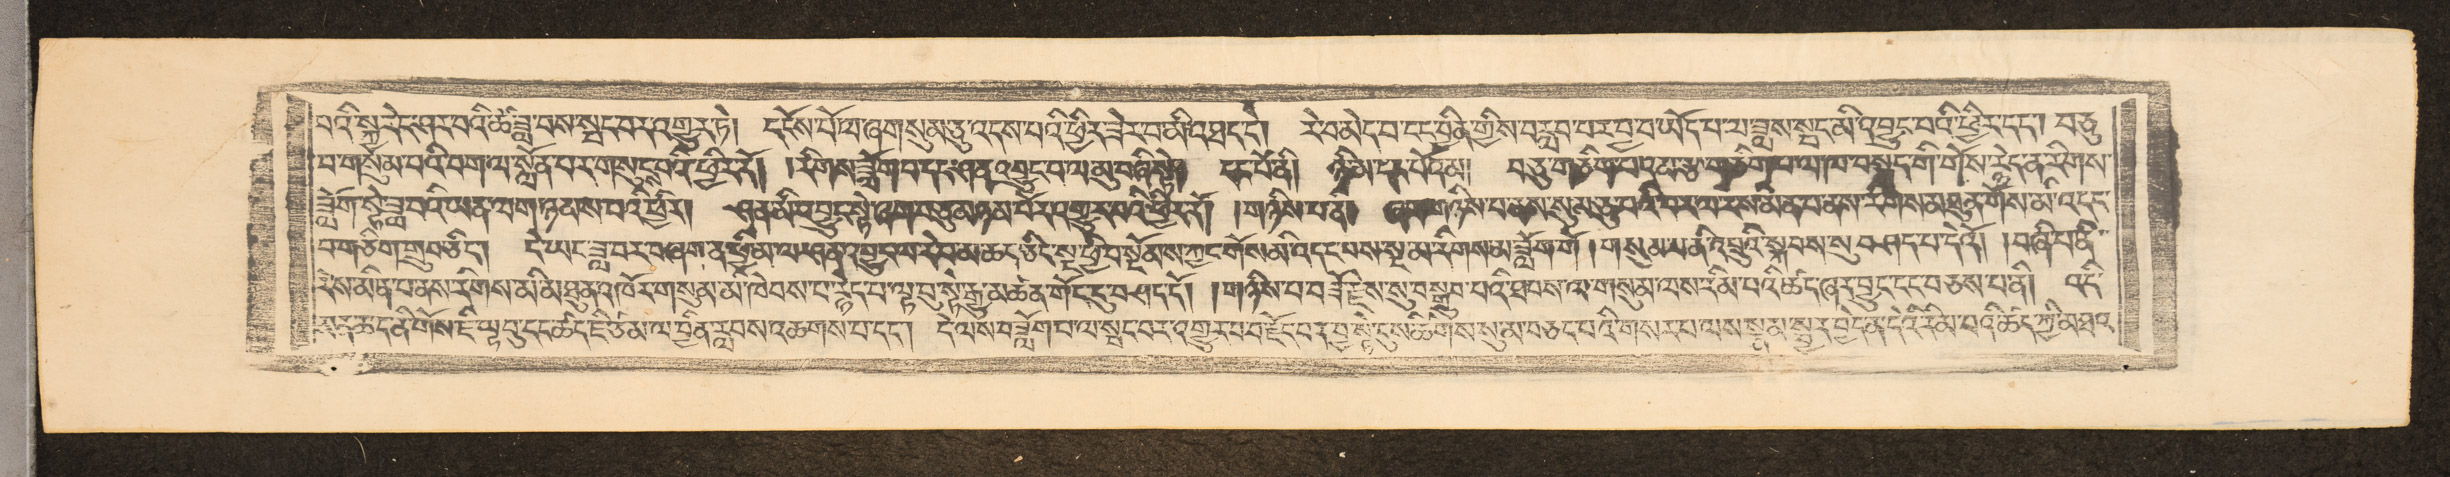པའི་སྐྱ་རེང་ཤར་བའི་ཚེ་ཟླ་བས་སྤང་བར་འགྱུར་ཏེ། དངོས་པོ་ལ་ཞག་སུམ་ཅུ་འདས་པའི་ཕྱིར་ཟེར་བ་མི་འཐད་དེ། རེ་བ་མེད་པ་དང་བྱིན་གྱིས་བརླབ་པར་བྱ་བ་ཡོད་པ་ལ་ཟླས་སྤང་མི་འབྱུང་བའི་ཕྱིར་དང་། བཅུ་
པ་གསུམ་པའི་བག་ལ་སློན་པར་གསུངས་པའི་ཕྱིར་རོ། །རིགས་ཟློག་པ་དང་ཤན་འབྱུང་བ་ལ་མུ་བཞི་སྟེ། དང་པོ་ནི། ཉི་མ་དང་པོའམ། བཅུ་གཅིག་པ་འམ་རྩ་གཅིག་པ་ལ་ཁ་བསྐང་གི་གོས་རྙེད་ན་རིགས་
ཟློག་སྟེ་ཟླ་བའི་ཡན་ལག་ཉམས་པའི་ཕྱིར། ཤན་མི་འབྱུང་སྟེ་ཞག་བཅུ་མཉམ་པོར་འགྱུར་བའི་ཕྱིར་རོ། །གཉིས་པ་ནི། ཞག་གཉིས་པ་ནས་སུམ་ཅུ་པའི་བར་ལ་རེས་མིན་པ་ནས་རིགས་མཐུན་གོས་མི་འདང་
བ་གཅིག་གྲུབ་ཅིང་། དེ་ཡང་ཟླ་བར་བཞག་ན་ཕྱི་མ་ལ་ཤན་འབྱུང་ལ་རེ་བ་མ་ཆད་ཅིང་སྔ་ཕྱི་བསྡོམས་ཀྱང་གོས་མི་འདང་བས་སྔ་མ་རིགས་མི་ཟློག་གོ །གསུམ་པ་ནི་འབྲུའི་སྐབས་སུ་བཤད་པ་དེའོ། །བཞི་པ་ནི་
རེས་མིན་པ་ནས་རིགས་མི་མཐུན་འཁོར་གསུམ་མི་ཁེབས་པ་རྙེད་པ་ལྟ་བུ་སྟེ་རྒྱུ་མཚན་གོང་དུ་བཤད་དོ། །གཉིས་པ་བཟོ་རྗེས་སུ་བསྒྲུབ་པའི་ཐབས་ལ་གསུམ་ལས་རིམ་པའི་ཚད་ཞར་བྱུང་དང་བཅས་པ་ནི། འདི་
མན་ཆད་ནི་གོས་ཇི་ལྟ་བུ་དང་ཚད་ཇི་ཙམ་ལ་བྱིན་རླབས་འཆགས་པ་དང་། དེ་ལས་བཟློག་པ་ལ་སྤང་བར་འགྱུར་བ་བརྗོད་པར་བྱ་སྟེ་དུས་ཚིགས་སུམ་བཅད་པའི་གསར་པ་ལས་སྣམ་སྦྱར་བྱེད་ན་དེའི་རིམ་པའི་ཚད་ཀྱི་མཐའ་